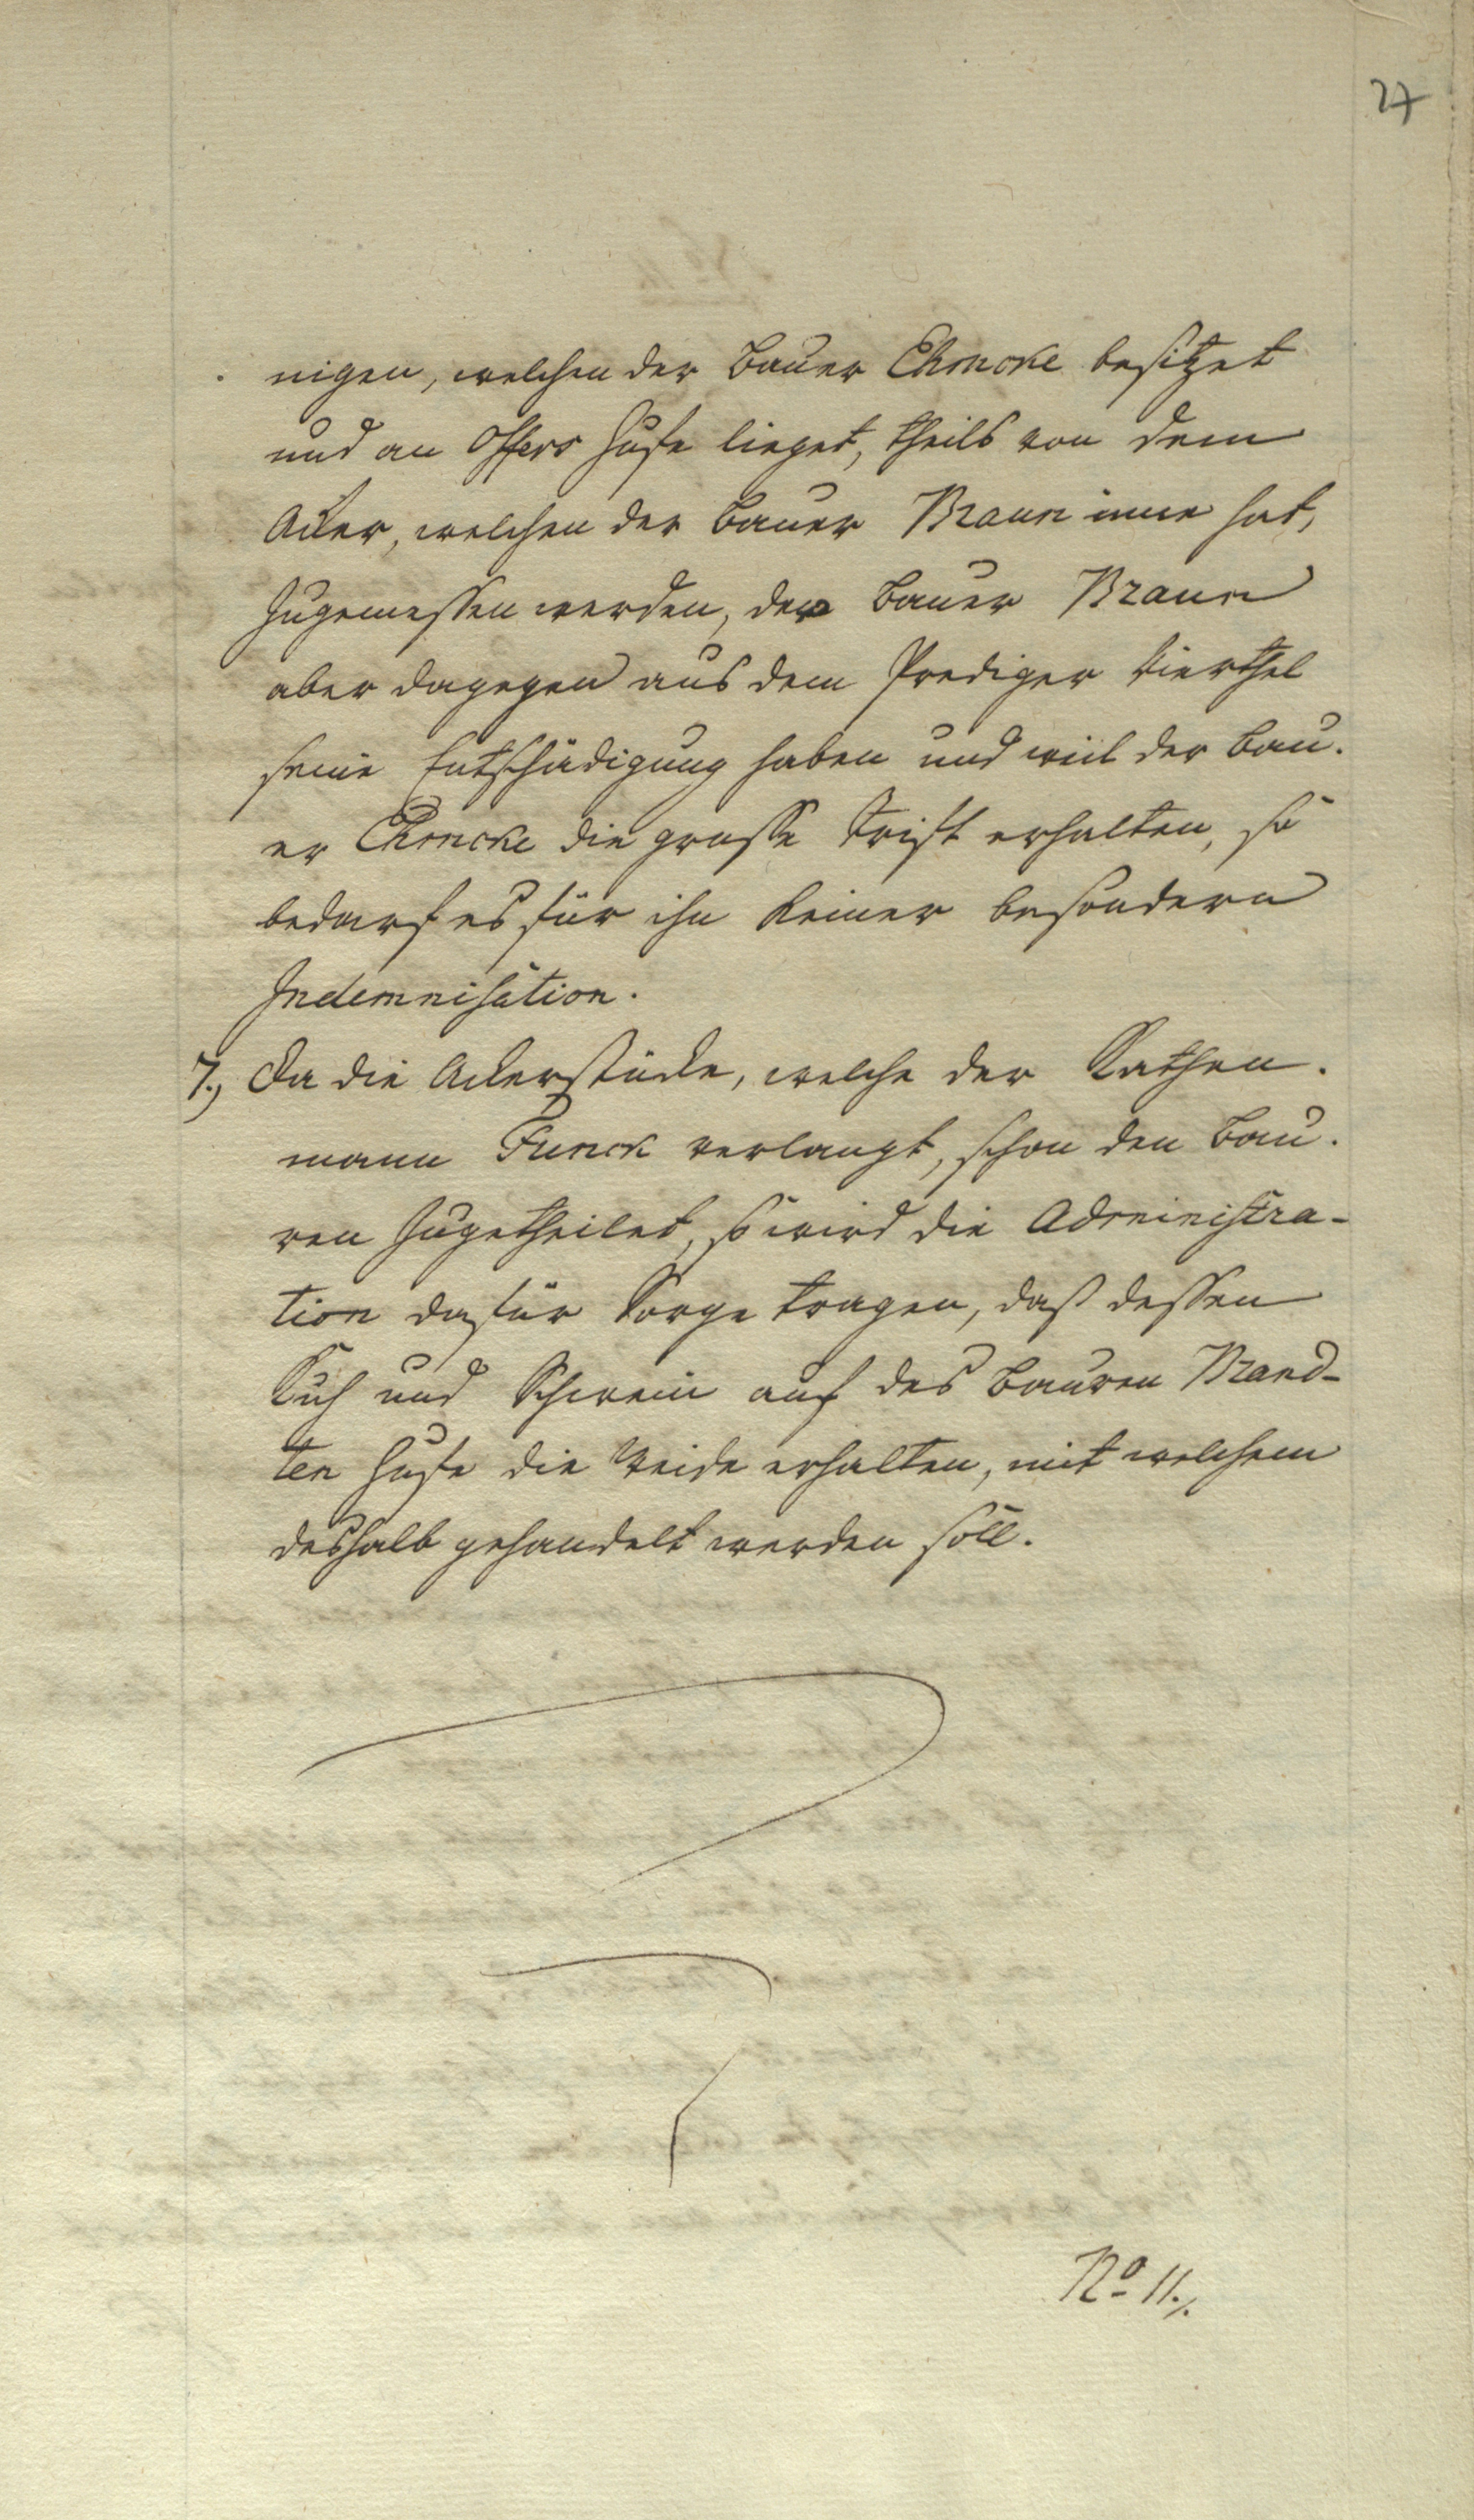nigen, welchen der Bauer Ehmcke besitzt
und an Offers Hufe liegt, theils von dem
Acker, welchen der Bauer Braun inne hat,
zugemessen werden, der Bauer Braun
aber dagegen aus dem Prediger Vierthel
seine Entschädigung haben und weil der Bau¬
er Ehmcke die grosse Trift erhalten, so
bedarf es für ihn keiner besondern
Indemnisation.
7., Da die Ackerstücke, welche der Kathen¬
mann Funck verlangt, schon den Bau¬
ren zugetheilet, so wird die Administra¬
tion dafür Sorge tragen, daß dessen
Kuh und Schwein auf des Bauren Brand¬
ten Hufe die Weide erhalten, mit welchem
deshalb gehandelt werden soll.
No 11.